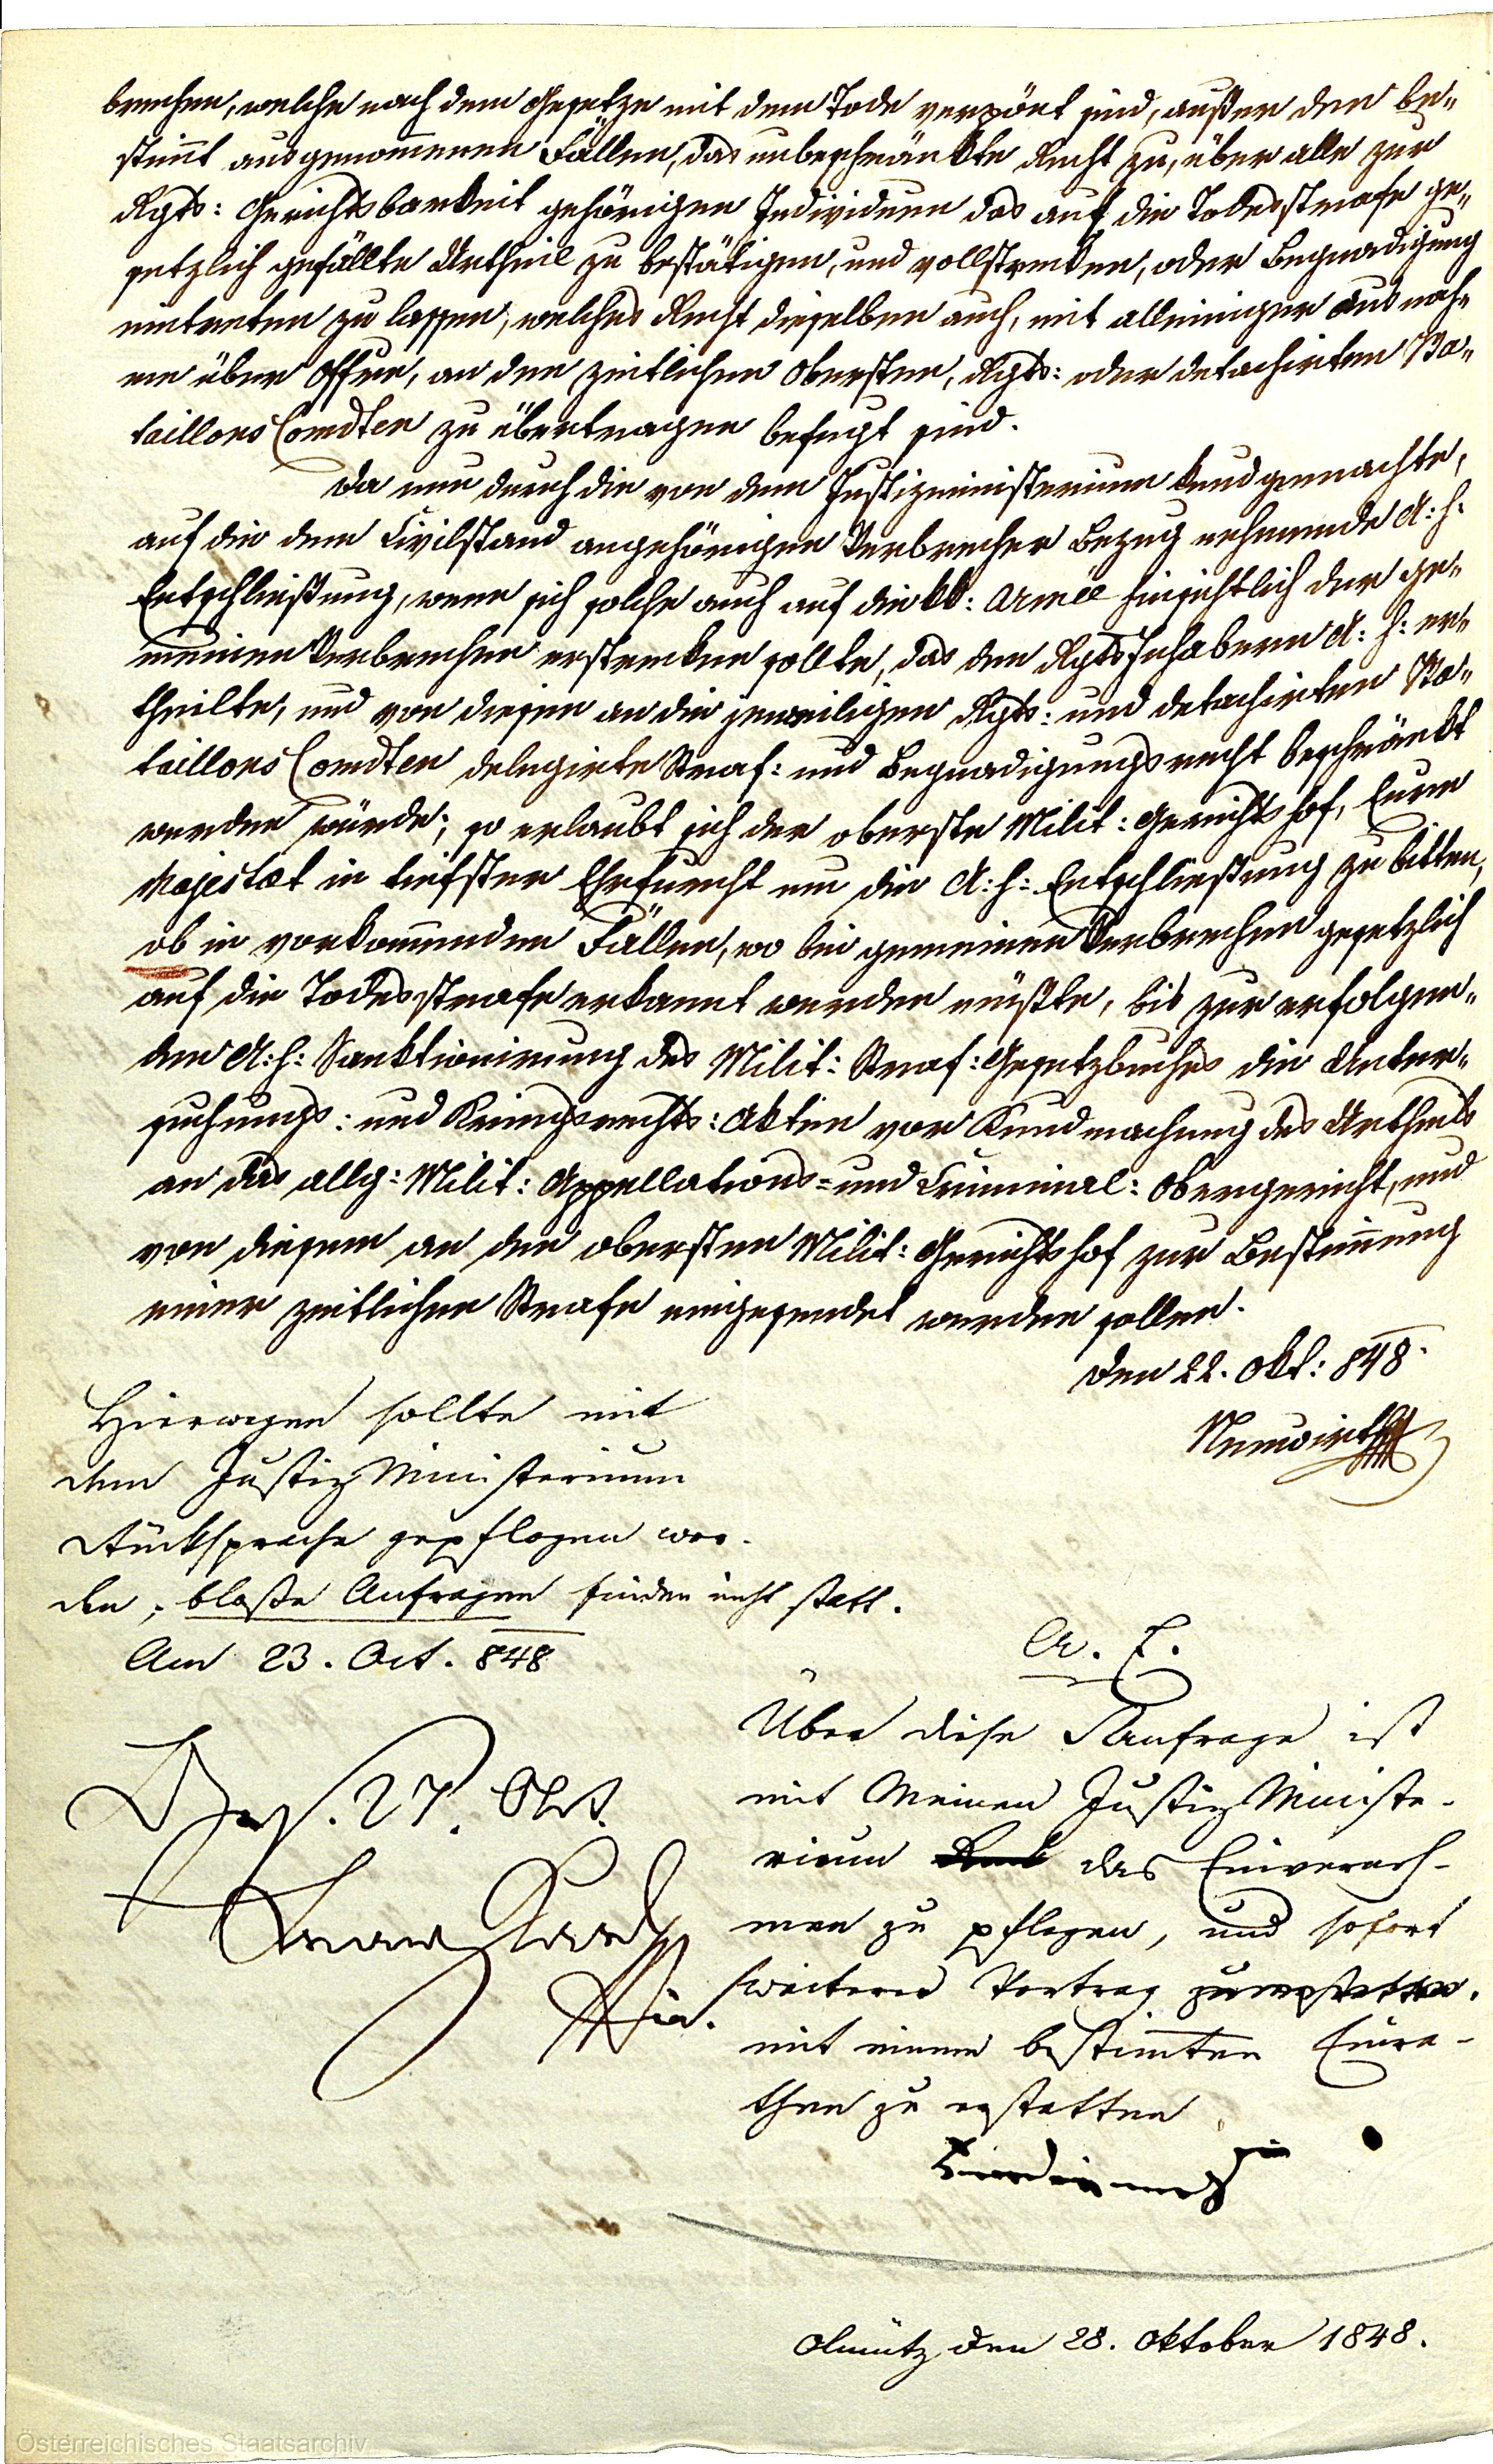brechen, welche nach dem Gesetze mit dem Tode verpönt sind, außer den be¬
stimmt ausgenommenen Fällen, das unbeschränkte Recht zu, über alle zur
Rgts. Gerichtsbarkeit gehörigen Jedivideun das auf die Todesstrafe ge¬
setzlich gefällte Urtheil zu bestätigen, und vollstrecken, oder Begnadigung
eintreten zu lassen, welches Recht dieselben auch, mit alleiniger aus nah¬
me über Offre, an den zeitlichen Obersten, Rgts. oder Detachirten Ba¬
taillons Comdten zu übertragen befugt sind.
Da nun durch die von dem Justizministerium kundgemachte,
auf die dem Civilstand angehörigen Verbrecher Bezug nehmende A: h:
Entschließung, wenn sich solche auch auf die kk: Armée hinsichtlich der ge¬
meinen Verbrechen erstrecken sollte, das den Rgts Jnhabern A: h: er¬
theilte, und von diesen an die jeweiligen Rgts: und Detachirten Ba¬
taillons Comdten Delegirte Straf: und Begnadigungsrecht beschränkt
werden würde; so erlaubt sich der oberste Milit: Gerichtshof, Eure
Majestæt in tiefster Ehrfurcht um die A: h: Entschließung zu bitten,
ob in vorkommenden Fällen, wo bin gemeinen Verbrechen gesetzlich
auf die Todesstrafe erkannt werden müßte, bis zur erfolgen¬
den A: h: Sanktionirung des Milit: Straf: Gesetzbuches die Unter¬
suchungs: und Kriegsrechts: Akten vor Kundmachung des Urtheils
an das allg: Milit: Appellations= und Criminal: Obergericht, und
von diesem an den obersten Milit: Gerichtshof zur Bestimmung
einer zeitlichen Strafe eingesendet werden sollen.
Den 22. Okt: 848.
Neuwirthxx
Hierwegen sollte mit
dem Justiz Ministerium
Stücksprache gepflogen wer¬
den; bloße Anfragen finden nicht statt.
Am 23. Oct. 848
xxx. 27. Okt.
xxx Karl
xxx.
A. E.
Über diese strafrage ist
mit Meinen Justiz Ministe¬
rium xxx das Einverach¬
men zu pflegen, und sofort
weiterer Vortrag. zuxxx
mit einem bestimmten Exxx¬
then zu erstatten.
Ferdinanz
Olmütz den 28. Oktober 1848.